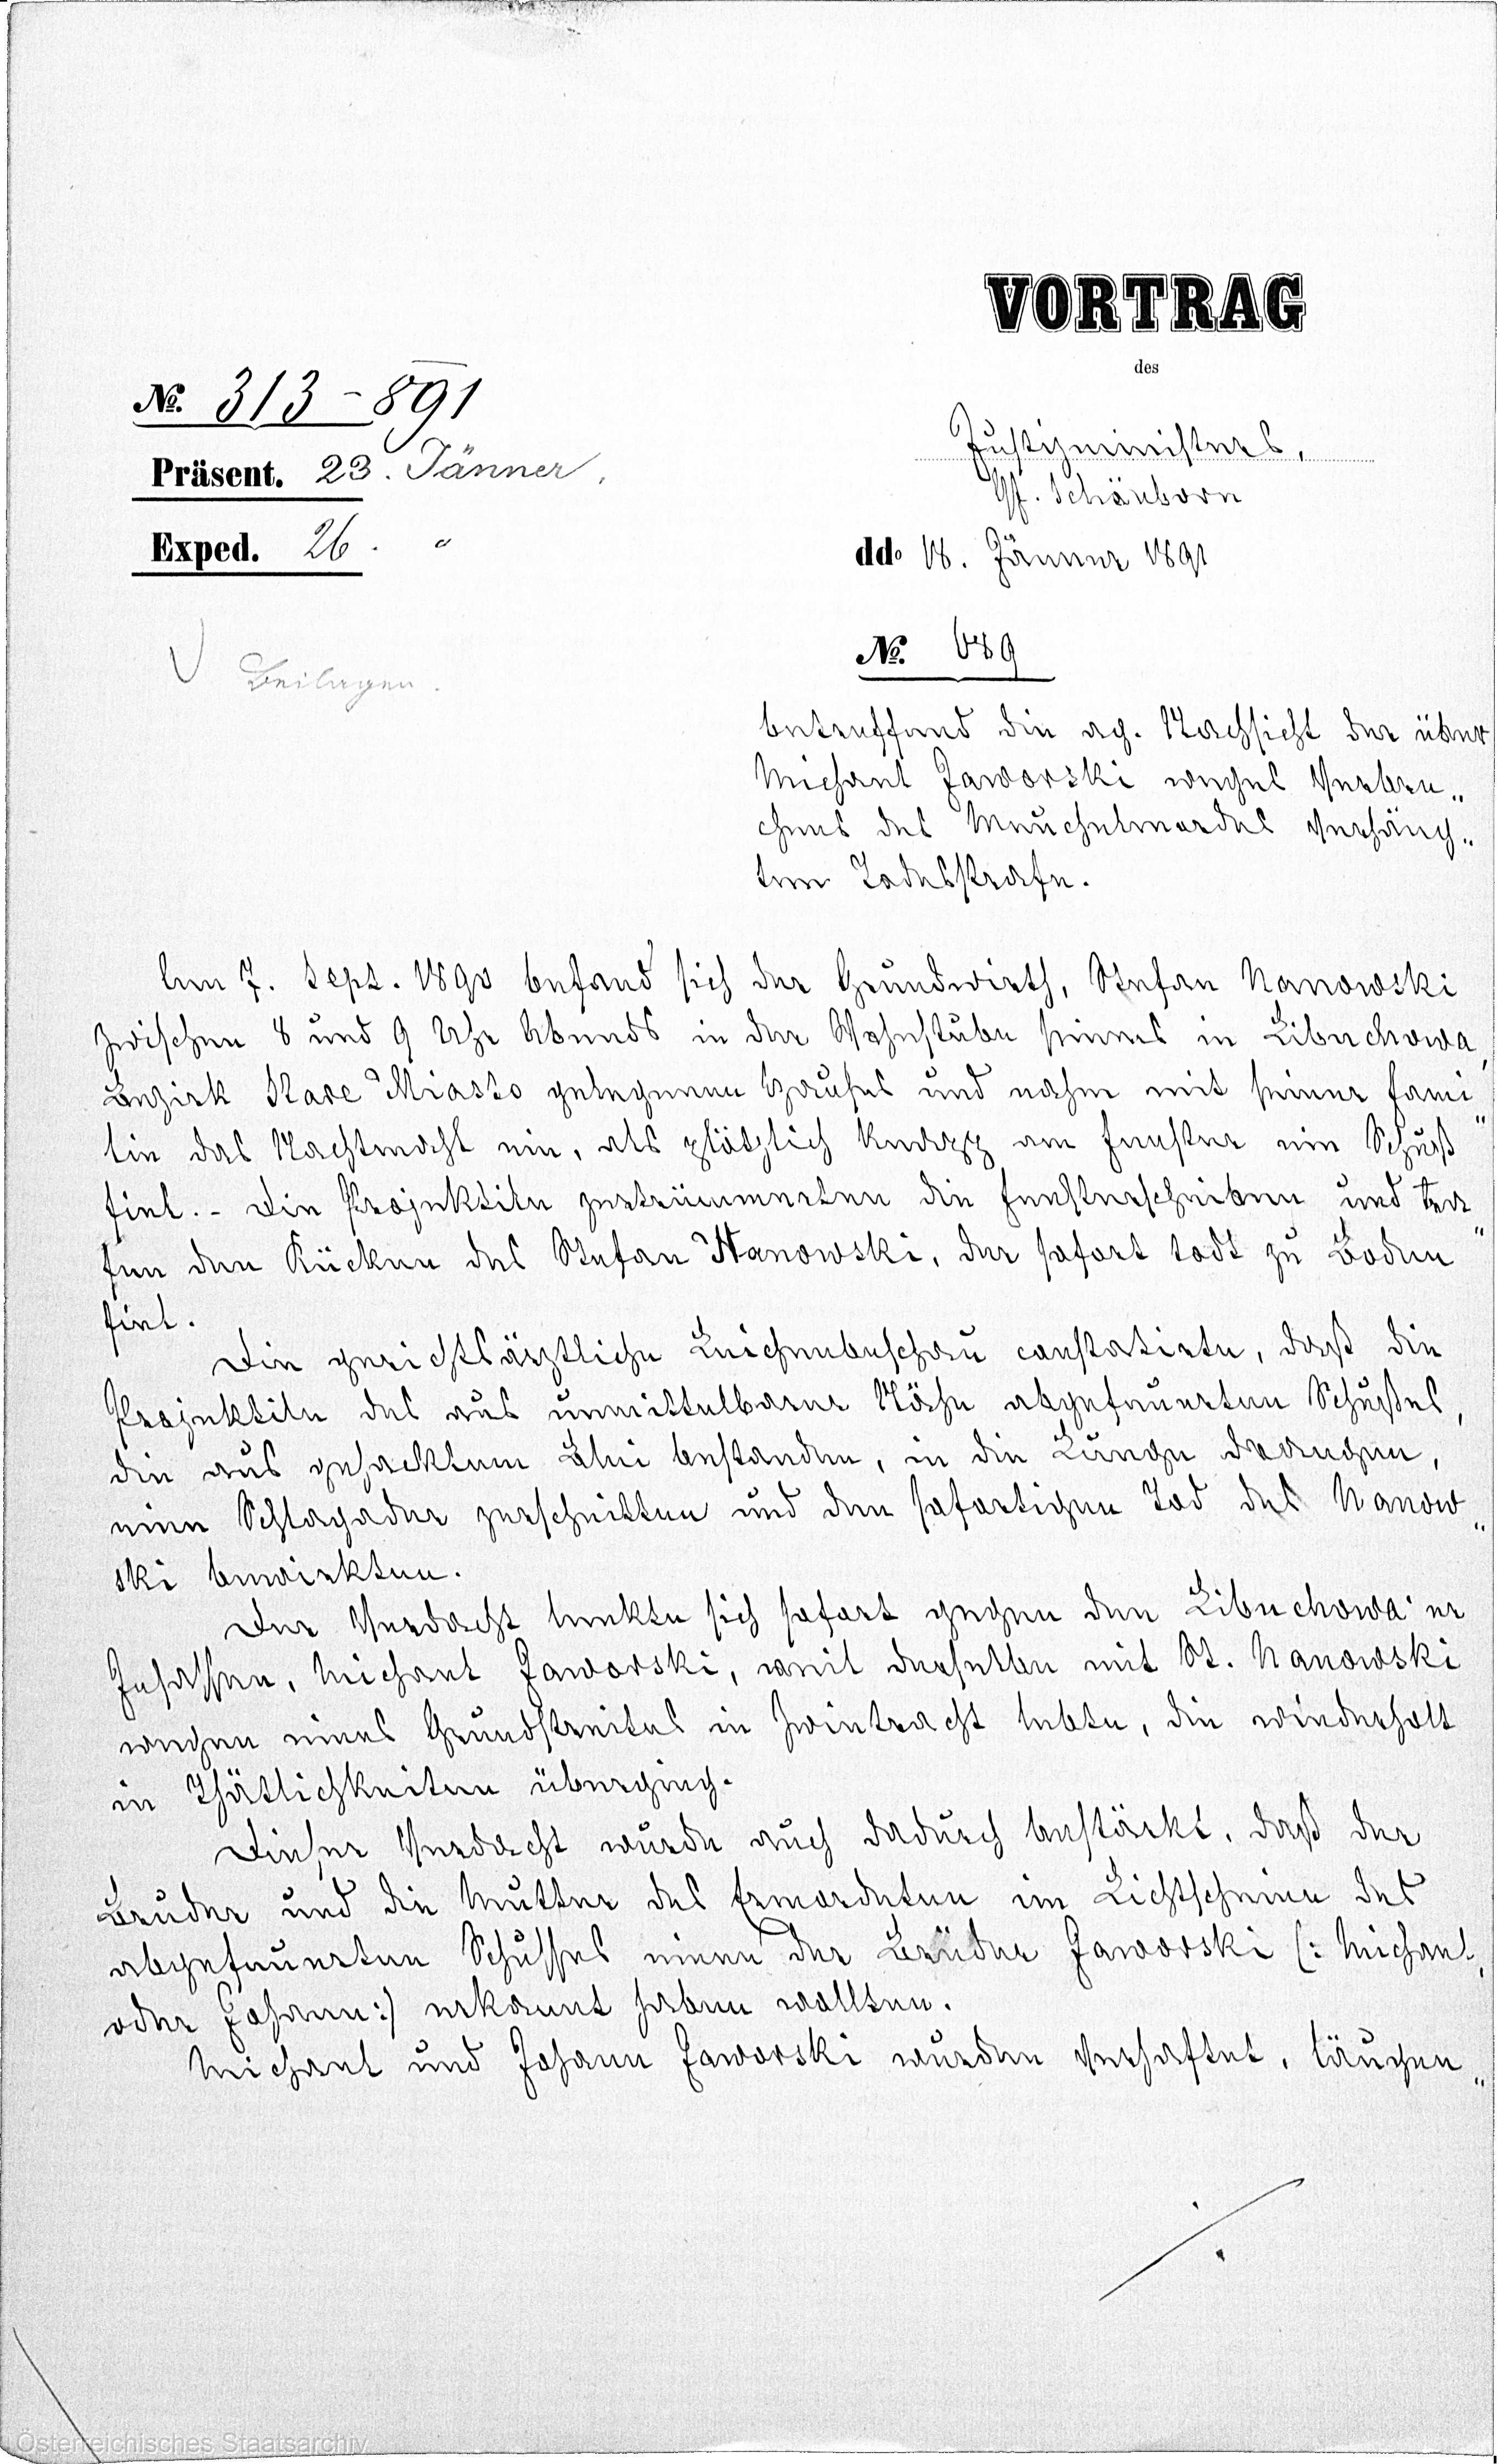No. 313 – 1891
Präsent. 23 Jänner
Expedit 26. Jänner
Beilagen
VORTRAG
Des
Justizministers
Gf. Schönborn
Ddo 18 Jänner 1891
No 689
Betreffend die a.g. Nachsicht der über
Michael Jaworski wegen Verbre¬
chens des Meuchelmordes verhäng¬
ten Todesstrafe.
Am 7. Sept. 1890 befand sich der Grundwirth, Stefan Nanowski
zwischen 8 und 9 Uhr Abends in der Wohnstube seines in Zibuchowa,
Bezirk Stare Miaslo gelegenen Hauses und nahm mit seiner Fami¬
lie das Nachtmahl ein, als plötzlich knapp am Fenster ein Schuß
fiel. Die Projektile zertrümmerten die Fensterscheiben und tra¬
fen den Rücken des Stefan Nanowski, der sofort todt zu Boden
fiel.
Die gerichtsärztliche Leichenbeschau constatirte, daß die
Projektile des aus unmittelbaren Nähe abgefeuerten Schußes,
die aus gehacktem Blei bestanden, in die Lunge drangen,
eine Schlagader zerschnitten und den sofortigen Tod des Nanow¬
ski bewirkten.
Der Verdacht lente sich sofort gegen den Zibuchowa’ne
Insassen, Michael Jaworksi, weil derselbe mit St. Nanowski
wegen eines Grundstreites in Zwietracht lebte, die wiederholt
in Thätlichkeiten überging.
Dieser Verdacht wurde auch dadurch bestärkt, daß der
Bruder und die Mutter des Ermordeten inm Lichtscheine des
abgefeuerten Schusses einen der Brüder Jaworksi (Michael
oder Johann) erkannt haben wollten.
Michael und Johann Jaworski wurden verhaftet, läugne¬